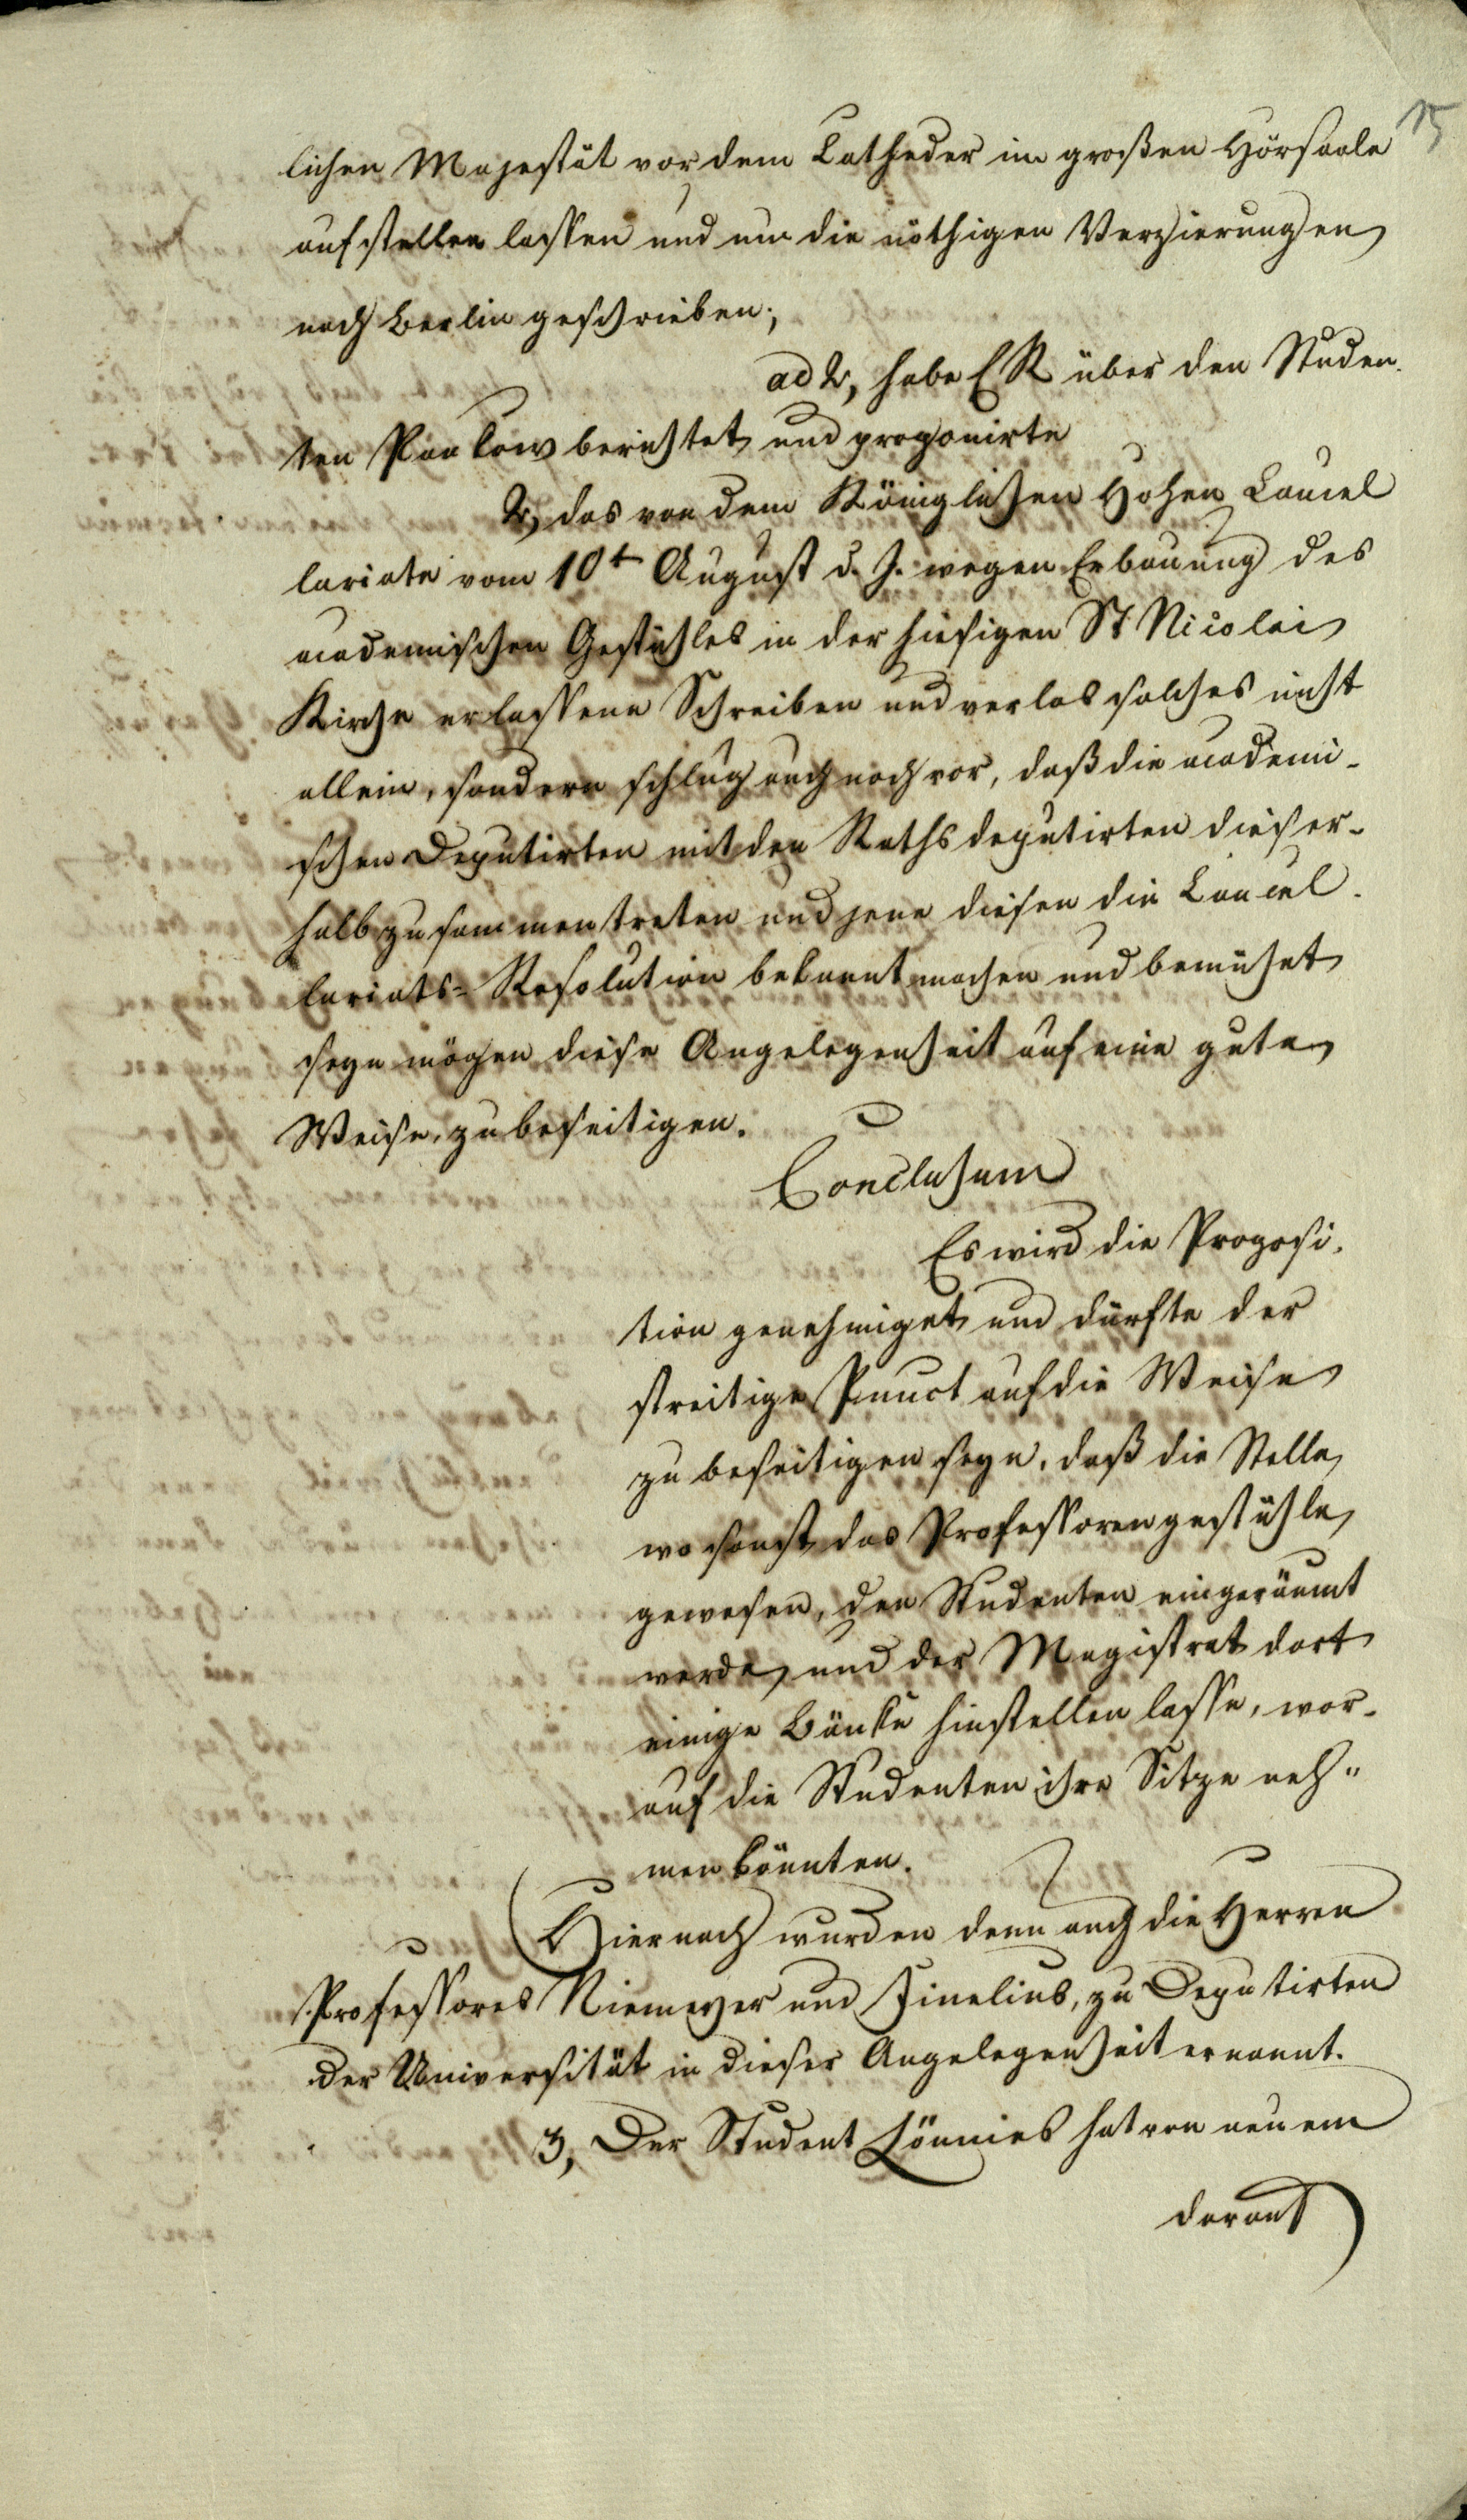lichen Majestät vor dem Catheder im großen Hörsaale
aufstellen lassen und um die nöthigen Verzierungen
nach Berlin geschrieben;
ad 2, habe E R über den Studen¬
ten Pankow berichtet, und proponirte
2, das von dem Könglichen Hohen Cancel¬
lariate vom 10 t August d. J. wegen Erbauung des
academischen Gestühles in der hiesigen St Nicolai
Kirche erlassene Schreiben und verlas solches nicht
allein, sondern schlug auch noch vor, daß die academi¬
schen Deputirten mildern Rathsdeputirten dieser¬
halb zusammentreten und jene diesen die Cancel¬
lariats Resolution bekannt machen und bemühet
seyn mögen diese Angelegenheit auf eine gute
Weise zubeseitigen.
Conclusum
Es wird die Proposi¬
tion genehmiget und dürfte der
streitige Punct auf die Weise
zu beseitigen seyn, daß die Stelle,
wo sonst das Professorengestühle,
gewesen, den Studenten eingeräumt
werde und der Magistrat dort
einige Bänke hinstellen lasse, wor¬
auf die Studenten ihre Sitze neh¬
men könnten.
Hiernach wurden denn auch die Herren
Professores Niemeyer und Finelius, zu Deputirten
der Universität in dieser Angelegenheit ernannt.
3, Der Student Lönnies hat von neuem
darauf